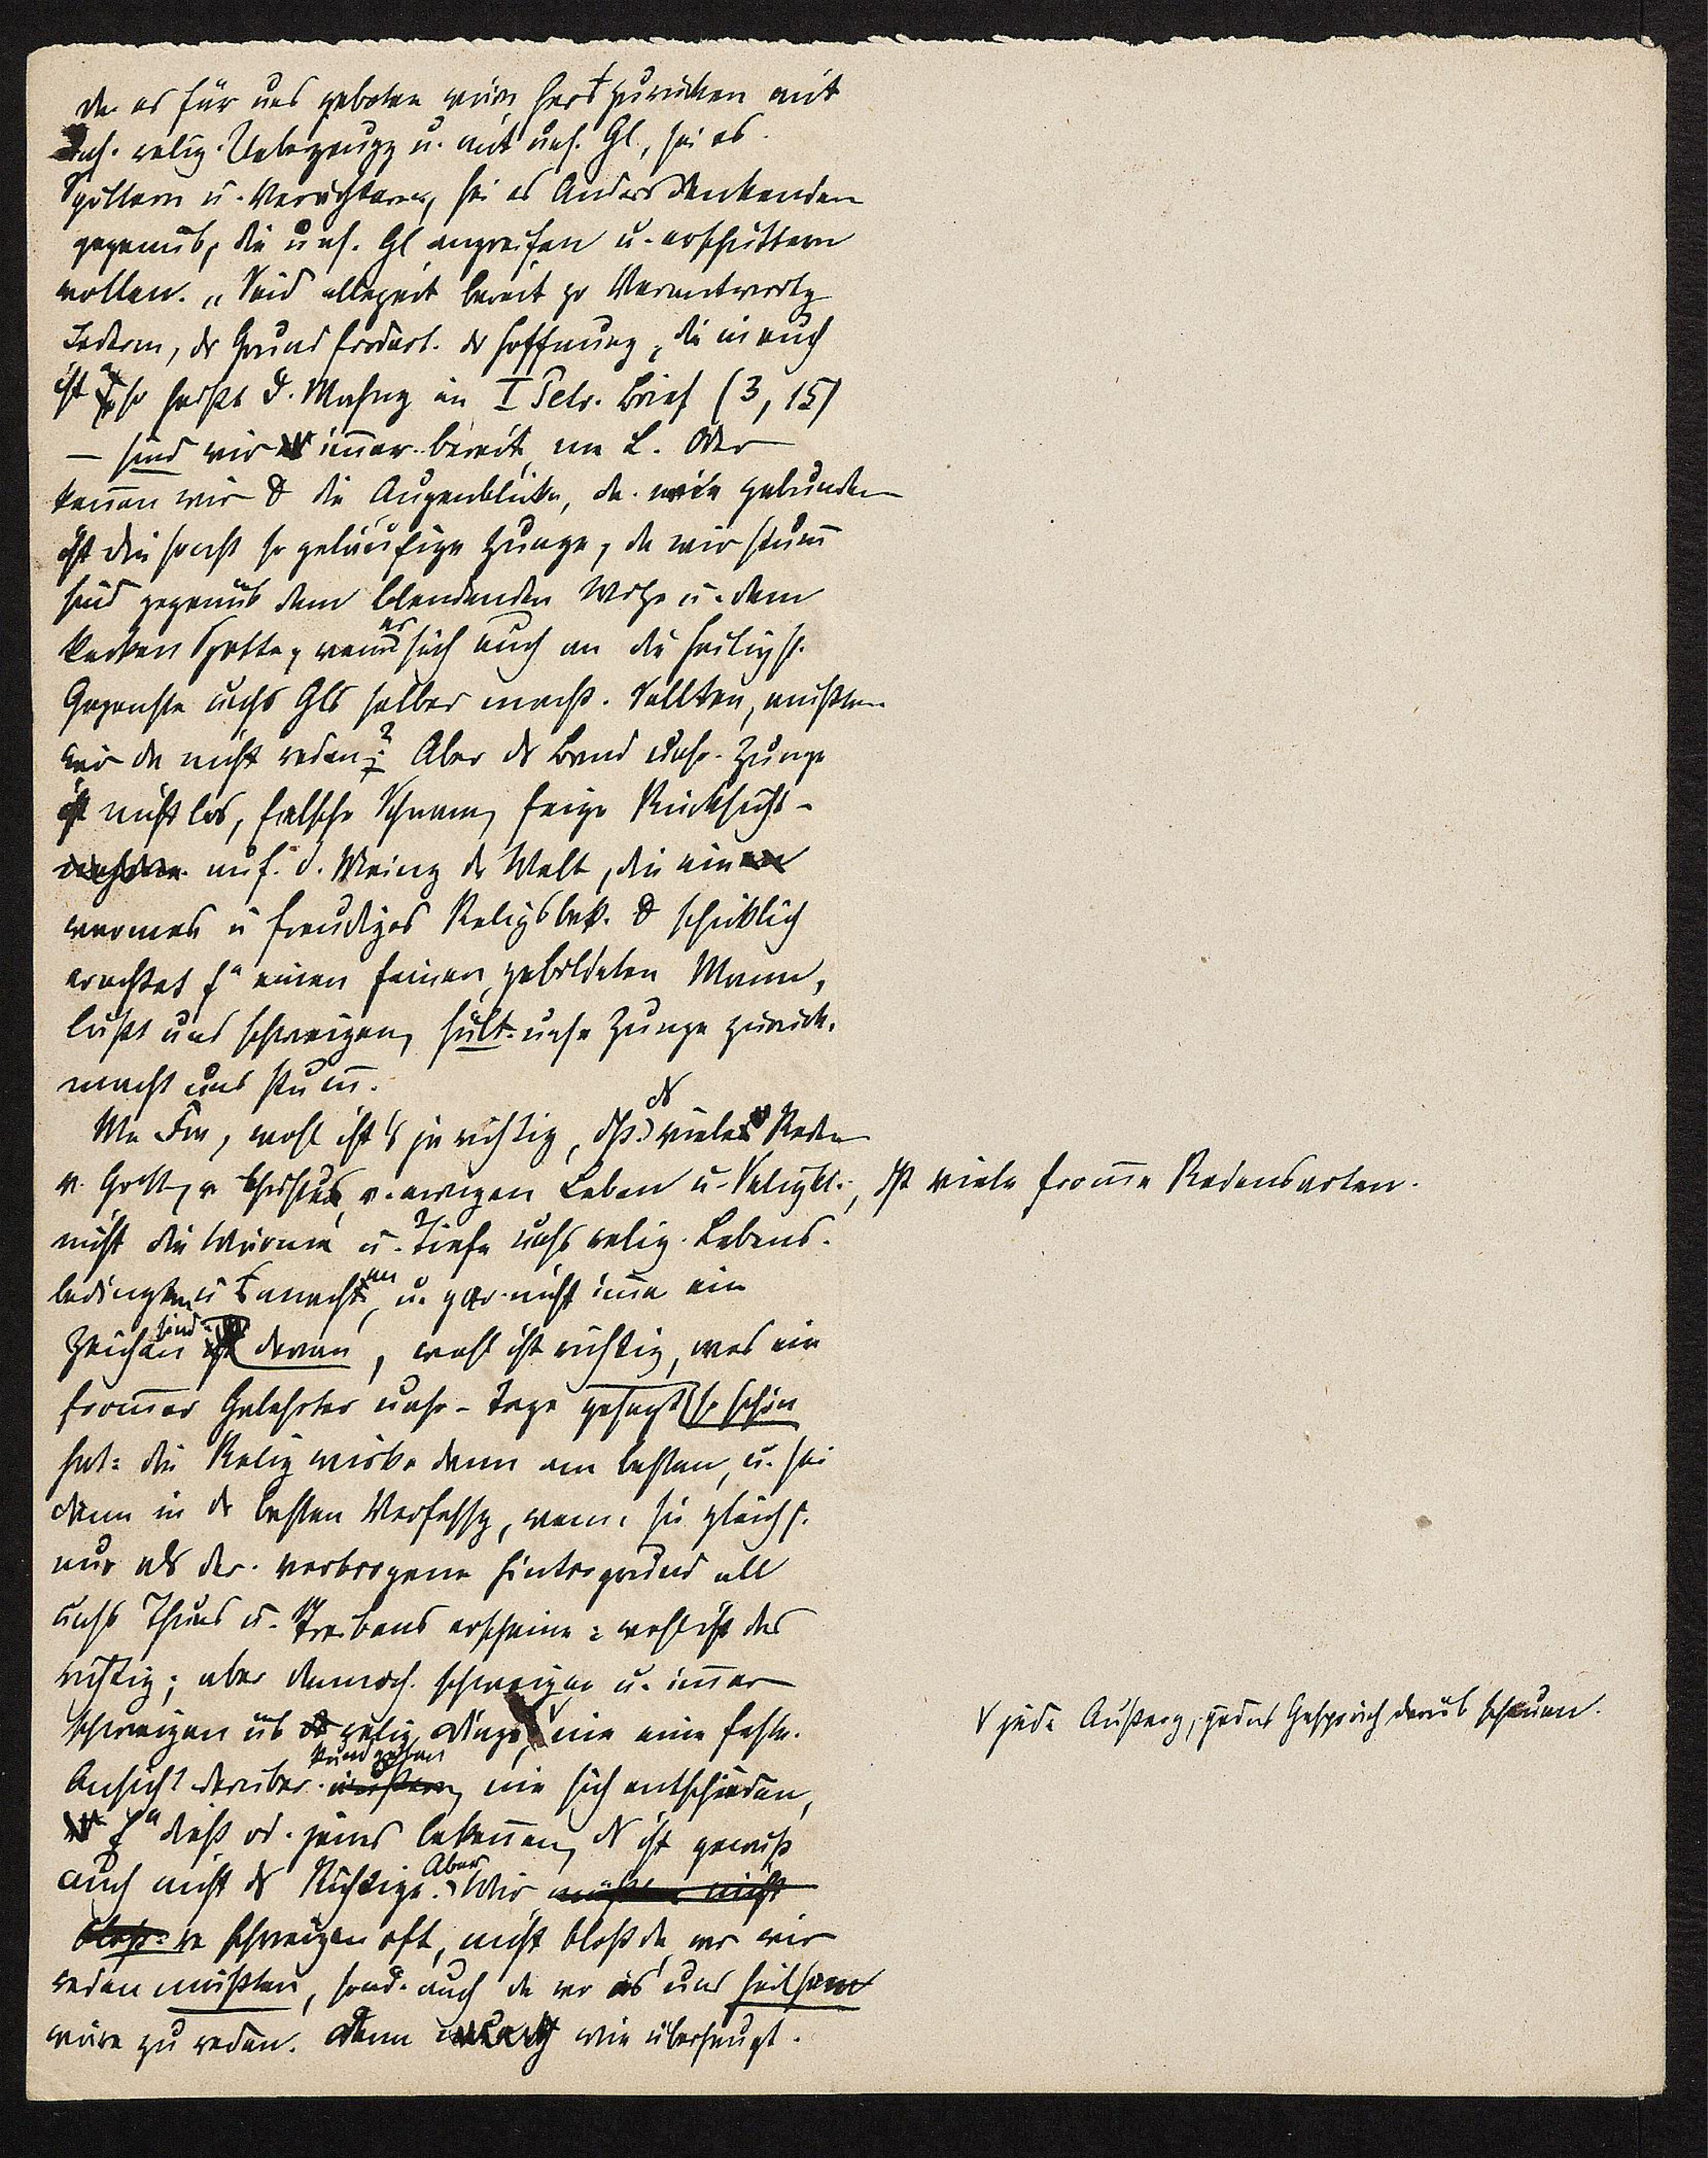die es für uns geboten wäre herstzrücken mit
Jes. relig Ueberzeugg u. mit uns. Gl, sei es.
Spöttern u. Verächtern, sei es andersdenkenden
gegenüb, die uns. Gl. angreifen u. erschüttern
wollen. "Seid allzeit bereit zu Verantwortg
Jedem, der Grund fordert. d. Hoffnung, die euch
ist so so heißt d. Mahng in I Petr. Brief (3, 15)
- sind wir es immer bereit, mn L., Oder
kennen wir o die Augenblicke, da wir gebunden
ist die sonst so geläufige Zunge, da wir stum
sind gegenüb dem blenden Witze u. dem
karken Spotte, wenn es sich euch an die heiligste
Gegenste unss Gls selber macht. Sollten, müßten
wir da nicht reden? Aber ds Band unsr. Zunge
ist nicht los, falsche Schaam, feige Rücksicht¬
nahme auf. d. Meing. der Welt, die einen
warmes u freudiges Religsbek. o schicklich
erachtet fü einen feinen gebildeten Mann.
läßt uns schweigen, hält unsr. Zunge zurück,
macht uns stum.
M Frn, wohl ist's ja richtig, daß vieles Reden
v Gott, v. Christus v. ewigen Leben u. Seligkt., daß viele frome Redensarten.
nicht die Wärme u. Tiefe unss relig. Lebens.
en
bedingen u. smacht, u gar nicht ime ein
sind
Zeichen ist davon, wohl ist richtig, was ein
fromer Gelehrter unsr. Tage gesagt so schön
hat: die Relig wirke dann am besten u. sei
dann in d. besten Verfassg, wenn sie gleich s.
nur als der verborgene Hintergund all
unss Thuns u. Treibens erscheine: wohl ist das
richtig; aber dennoch schweigen u. immer
V jede Außerg, jedes Gespräch darüb scheuen.
schweigen üb d. relig. Dinge nie eine feste.
kund geben
Ansicht darüber. äußern, wie sich entschieden,
u. fÜ dies ob. jenes bekenen, das ist gewiß
aber
auch nicht des Richige. Wir müßten nicht
bloß v. schweigen oft, nicht bloß wo wir
reden müßten, sond. auch da wo s' uns heilsam
wäre zu reden. Denn muß wie überhaupt.